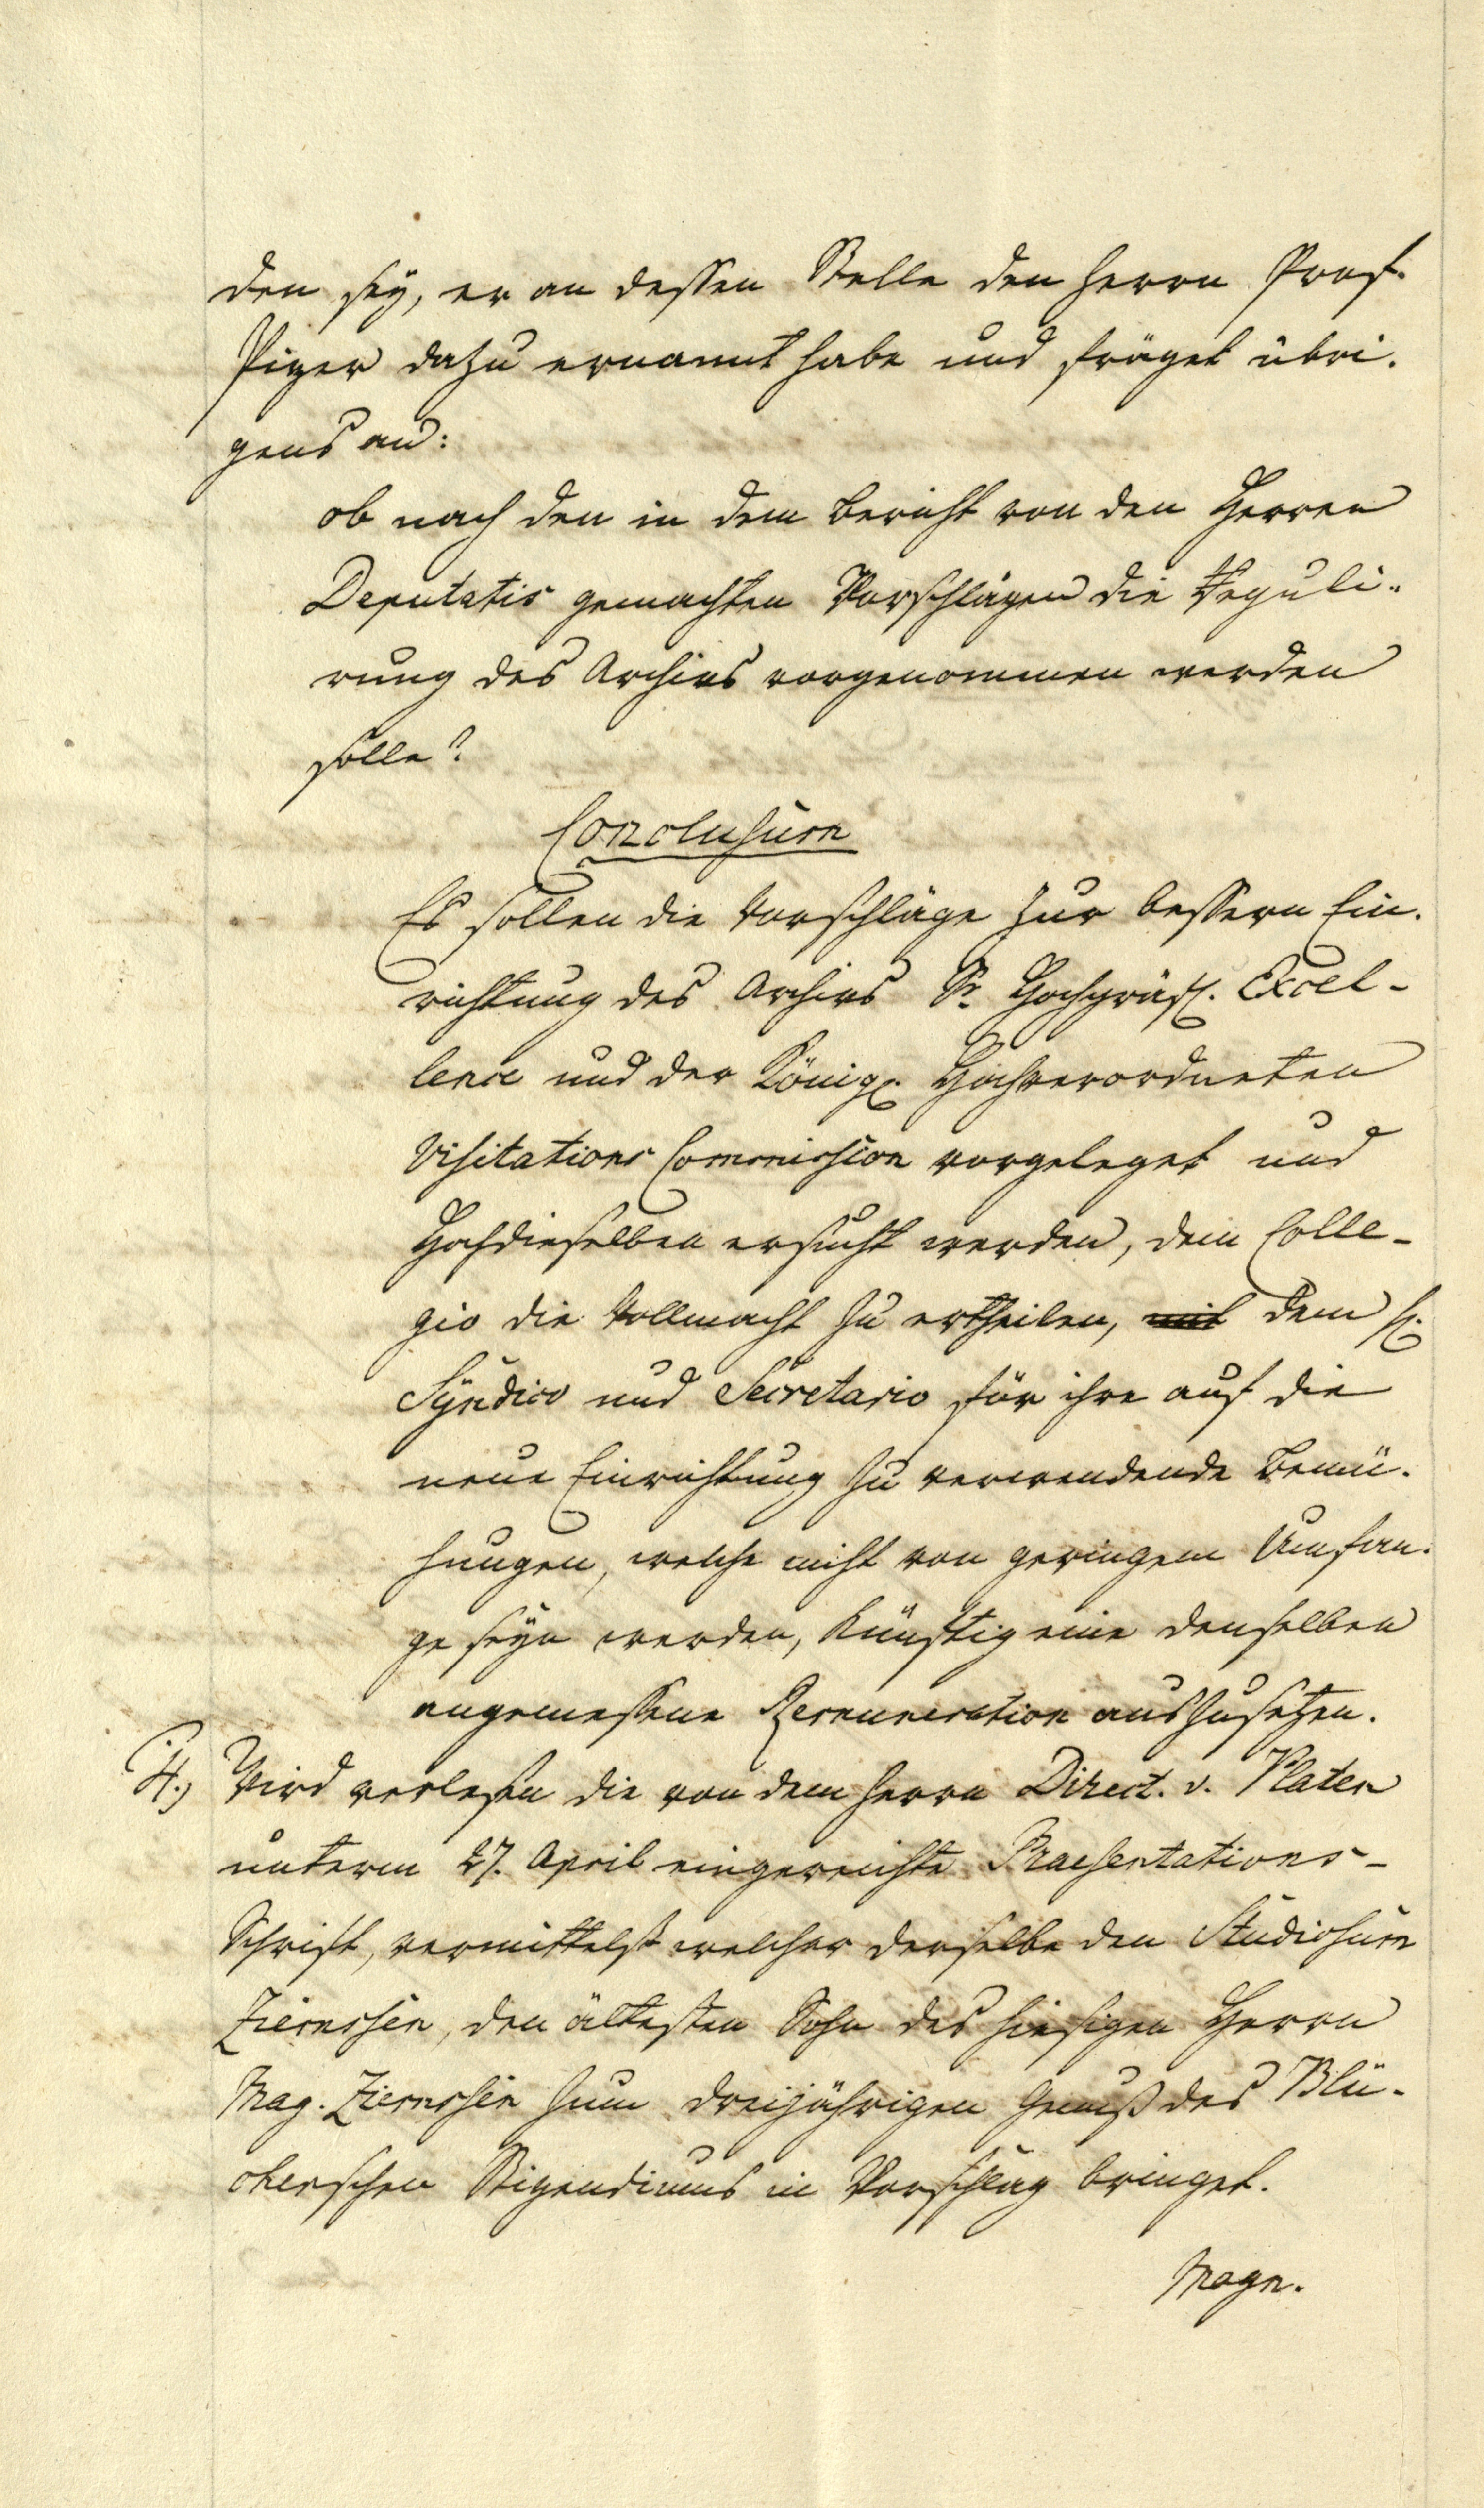den seÿ, er an dessen Stelle den Herrn Prof.
Piper dazu ernannt habe und fräget übri¬
gens an:
ob nach den in dem Bericht von den Herren
Deputatis gemachten Vorschlägen die Reguli¬
rung des Archivs vorgenommen werden
solle?
Conclusum.
Es sollen die Vorschläge zur bessern Ein-
richteung des Archivs Sr. Hochgräfl. Excel¬
lence und der Königl. Hochverordneten
Visitations Commission vorgeleget und
Hochdieselben ersucht werden, dem Colle¬
gio die Vollmacht zu ertheilen, es mit dem H.
Sÿndico und Secretario für ihre auf die
neue Einrichtung zu verwendende Bemü¬
hungen, welche nicht von geringem Umfan¬
ge seÿn werden, künftig eine denselben
angemessene Remuneration auszusetzen.
4. Wird verlesen die von dem Herrn Direct. v. Platen
unterm 27. April eingereichte Praesentations-
Schrift vermittelst welcher derselbe den Studiosum
Ziemssen, den ältesten Sohn des hiesigen Herrn
Mag. Ziemssen zum dreijährigen Genuß des Blü¬
cherschen Stipendiums in Vorschlag bringet.
Magn.